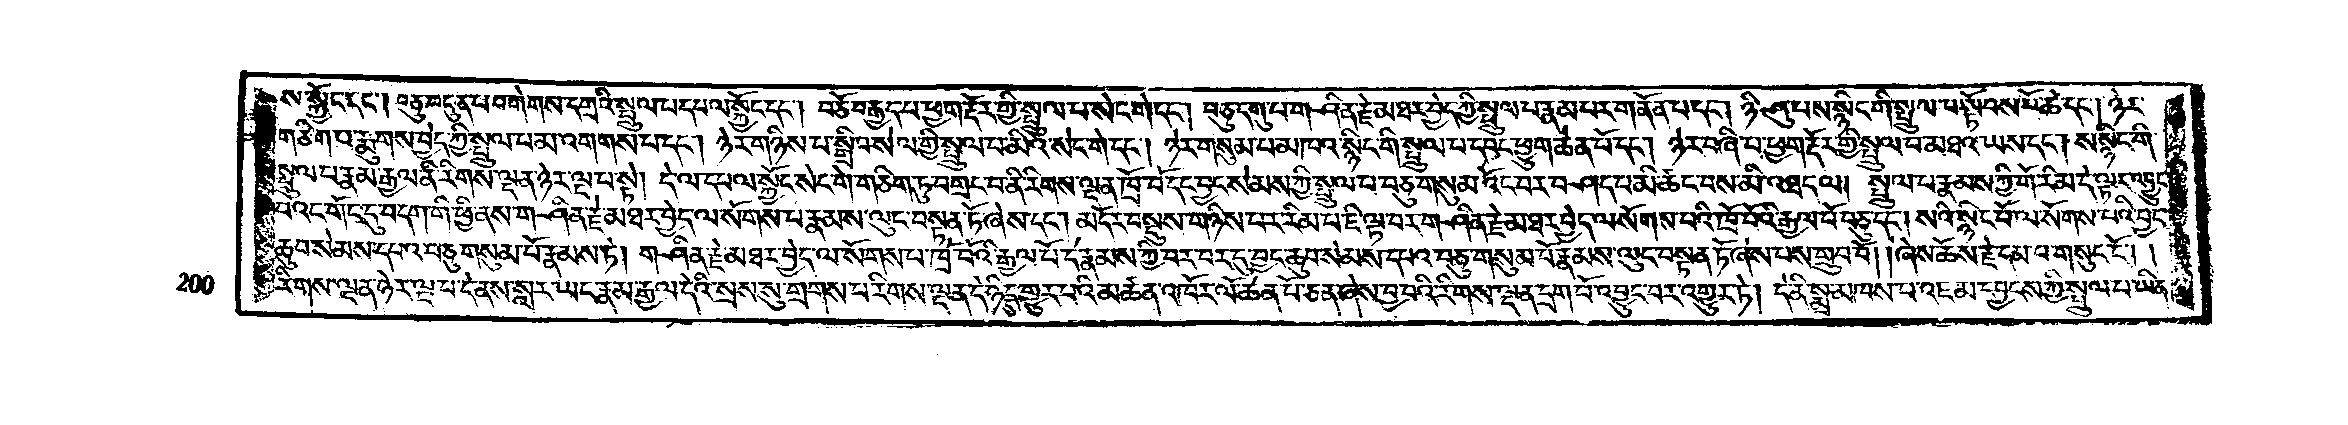ས་སྐྱོང་དང་། བཅུ་བདུན་པ་བགེགས་དགྲའི་སྤྲུལ་པ་དཔལ་སྐྱོང་དང་། བཅོ་བརྒྱད་པ་ཕྱག་རྡོར་གྱི་སྤྲུལ་པ་སེང་གེ་དང་། བཅུ་དགུ་པ་གཤིན་རྗེ་མཐར་བྱེད་ཀྱི་སྤྲུལ་པ་རྣམ་པར་གནོན་པ་དང་། ཉི་ཤུ་པས་སྙིང་གི་སྤྲུལ་པ་སྟོབས་པོ་ཆེ་དང་། ཉེར་
གཅིག་པ་རྨུགས་བྱེད་ཀྱི་སྤྲུལ་པ་མ་འགགས་པ་དང་། ཉེར་གཉིས་པ་སྒྲིབ་སེལ་གྱི་སྤྲུལ་པ་མིའི་སེང་གེ་དང་། ཉེར་གསུམ་པ་མཁའ་སྙིང་གི་སྤྲུལ་པ་དབང་ཕྱུག་ཆེན་པོ་དང་། ཉེར་བཞི་པ་ཕྱག་རྡོར་གྱི་སྤྲུལ་པ་མཐའ་ཡས་དང་། ས་སྙིང་གི་
སྤྲུལ་པ་རྣམ་རྒྱལ་ནི་རིགས་ལྡན་ཉེར་ལྔ་པ་སྟེ། དེ་ལ་དཔལ་སྐྱོང་སེང་གེ་གཅིག་ཏུ་བགྲང་བ་ནི་རིགས་ལྡན་ཁྲོ་བོ་དང་བྱང་སེམས་ཀྱི་སྤྲུལ་པ་བཅུ་གསུམ་འོང་བར་བཤད་པ་མི་ཚང་བས་མི་འཐད་ལ། སྤྲུལ་པ་རྣམས་ཀྱི་གོ་རིམ་དེ་ལྟར་འབྱུང་
བའང་གོང་དུ་བདག་གི་ཕྱི་ནས་གཤིན་རྗེ་མཐར་བྱེད་ལ་སོགས་པ་རྣམས་ལུང་བསྟན་ཏོ་ཞེས་དང་། མདོར་བསྡུས་གཉིས་པར་རིམ་པ་ཇི་ལྟ་བར་གཤིན་རྗེ་མཐར་བྱེད་ལ་སོགས་པའི་ཁྲོ་བོའི་རྒྱལ་པོ་བཅུ་དང་། སའི་སྙིང་པོ་ལ་སོགས་པའི་བྱང་
ཆུབ་སེམས་དཔའ་བཅུ་གསུམ་པོ་རྣམས་ཏེ། གཤིན་རྗེ་མཐར་བྱེད་ལ་སོགས་པ་ཁྲོ་བོའི་རྒྱལ་པོ་དེ་རྣམས་ཀྱི་བར་བར་དུ་བྱང་ཆུབ་སེམས་དཔའ་བཅུ་གསུམ་པོ་རྣམས་ལུང་བསྟན་ཏོ་ཞེས་པས་གྲུབ་བོ། །ཞེས་ཆོས་རྗེ་དམ་པ་གསུང་ངོ། །
རིགས་ལྡན་ཉེར་ལྔ་པ་དེ་ནས་སླར་ཡང་རྣམ་རྒྱལ་དེའི་སྲས་སུ་གྲགས་པ་རིགས་ལྡན་དེ་ཉིད་དུ་གྱུར་བའི་མཚན་འཁོར་ལོ་ཆེན་པོ་ཅན་ཞེས་བྱ་བའི་རིགས་ལྡན་དྲག་པོ་འབྱུང་བར་འགྱུར་ཏེ། དེ་ནི་སྨྲ་མཁས་པ་འཇམ་དབྱངས་ཀྱི་སྤྲུལ་པ་ཡིན་